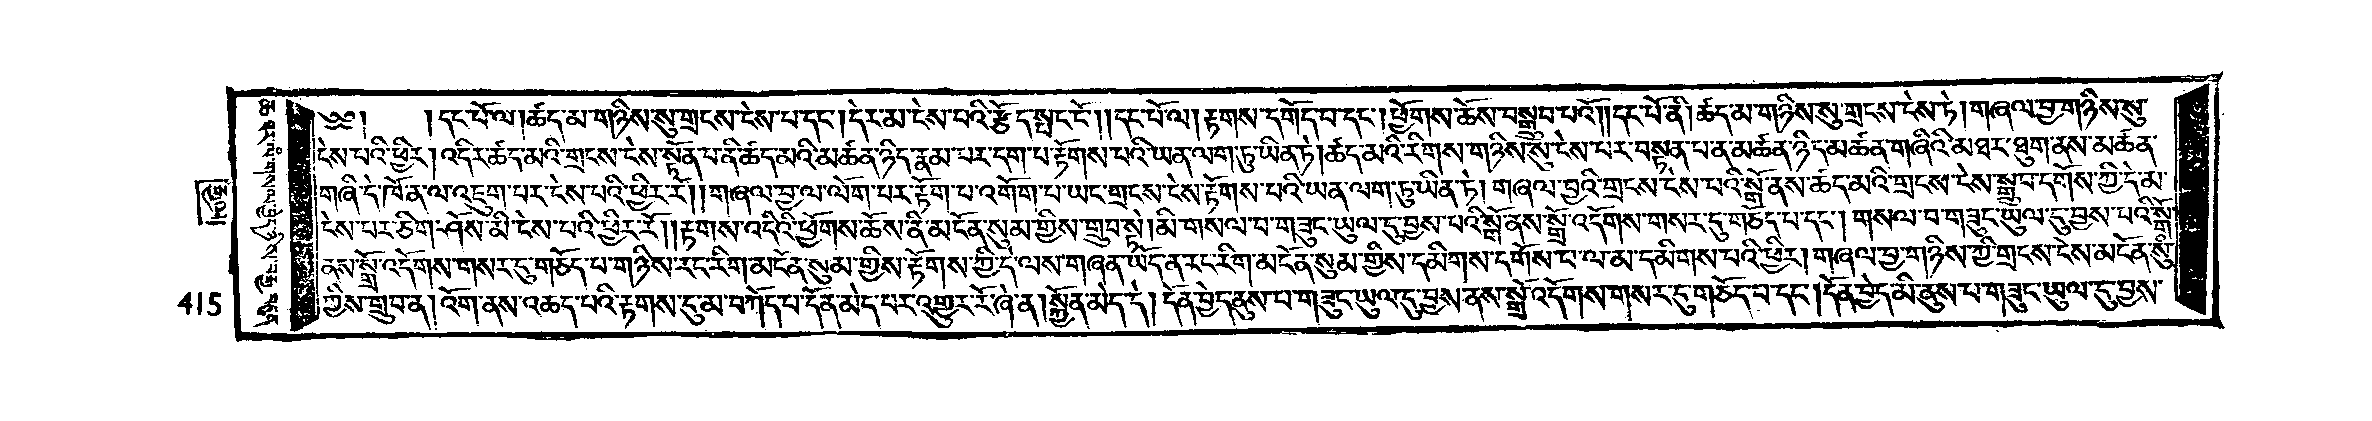༄༅། །དང་པོ་ལ། ཚད་མ་གཉིས་སུ་གྲངས་ངེས་པ་དང་། དེར་མ་ངེས་པའི་རྩོད་སྤང་ངོ། །དང་པོ་ལ། རྟགས་དགོད་པ་དང་། ཕྱོགས་ཆོས་བསྒྲུབ་པའོ། །དང་པོ་ནི། ཚད་མ་གཉིས་སུ་གྲངས་ངེས་ཏེ། གཞལ་བྱ་གཉིས་སུ་
ངེས་པའི་ཕྱིར། འདིར་ཚད་མའི་གྲངས་ངེས་སྟོན་པ་ནི་ཚད་མའི་མཚན་ཉིད་རྣམ་པར་དག་པ་རྟོགས་པའི་ཡན་ལག་ཏུ་ཡིན་ཏེ། ཚད་མའི་རིགས་གཉིས་སུ་ངེས་པར་བསྟན་པ་ན་མཚན་ཉིད་མཚན་གཞིའི་མཐར་ཐུག་ནས་མཚན་
གཞི་དེ་ཁོ་ན་ལ་འཇུག་པར་ངེས་པའི་ཕྱིར་རོ། །གཞལ་བྱ་ལ་ལོག་པར་རྟོག་པ་འགོག་པ་ཡང་གྲངས་ངེས་རྟོགས་པའི་ཡན་ལག་ཏུ་ཡིན་ཏེ། གཞལ་བྱའི་གྲངས་ངེས་པའི་སྒོ་ནས་ཚད་མའི་གྲངས་ངེས་སྒྲུབ་དགོས་ཀྱི་དེ་མ་
ངེས་པར་ཅིག་ཤོས་མི་ངེས་པའི་ཕྱིར་རོ། །རྟགས་འདིའི་ཕྱོགས་ཆོས་ནི་མངོན་སུམ་གྱིས་གྲུབ་སྟེ། མི་གསལ་བ་གཟུང་ཡུལ་དུ་བྱས་པའི་སྒོ་ནས་སྒྲོ་འདོགས་གསར་དུ་གཅོད་པ་དང་། གསལ་བ་གཟུང་ཡུལ་དུ་བྱས་པའི་སྒོ་
ནས་སྒྲོ་འདོགས་གསར་དུ་གཅོད་པ་གཉིས་རང་རིག་མངོན་སུམ་གྱིས་རྟོགས་ཀྱི་དེ་ལས་གཞན་ཡོད་ན་རང་རིག་མངོན་སུམ་གྱིས་དམིགས་དགོས་པ་ལ་མ་དམིགས་པའི་ཕྱིར། གཞལ་བྱ་གཉིས་ཀྱི་གྲངས་ངེས་མངོན་སུམ་
གྱིས་གྲུབ་ན། འོག་ནས་འཚད་པའི་རྟགས་དུ་མ་བཀོད་པ་དོན་མེད་པར་འགྱུར་རོ་ཞེ་ན། སྐྱོན་མེད་དེ། དོན་བྱེད་ནུས་པ་གཟུང་ཡུལ་དུ་བྱས་ནས་སྒྲོ་འདོགས་གསར་དུ་གཅོད་པ་དང་། དོན་བྱེད་མི་ནུས་པ་གཟུང་ཡུལ་དུ་བྱས་